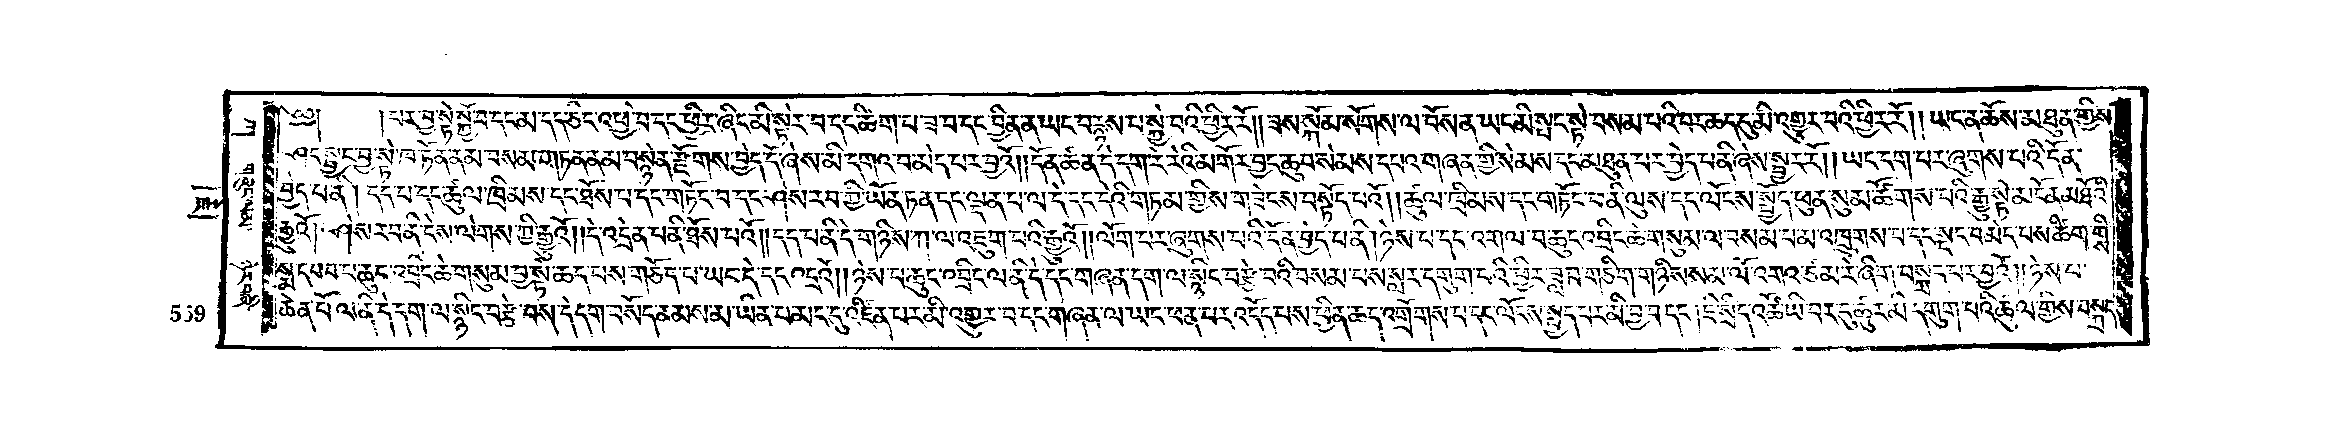༄༅། །པར་བྱ་སྟེ་སྐྱོ་བ་དང་མ་དད་ཅིང་འཕྱེ་བ་དང་ཕྱིར་ཞིང་མི་སྟེར་བ་དང་ཚིག་པ་ཟ་བ་དང་བྱིན་ན་ཡང་བརྙས་པ་སྐྱེ་བའི་ཕྱིར་རོ། །ཟས་སྐོམ་སོགས་ལ་བོས་ན་ཡང་མི་སྤང་སྟེ་བསམ་པའི་བར་ཆད་དུ་མི་འགྱུར་བའི་ཕྱིར་རོ། །ཡང་ན་ཆོས་མཐུན་གྱིས་
ཤད་སྦྱང་བྱ་སྟེ་ཁ་ཏོན་ནམ་བསམ་གཏན་ནམ་བསྙེན་རྫོགས་བྱེད་དོ་ཞེས་མི་དགའ་བ་མེད་པར་བྱའོ། །དོན་ཚན་དེ་དག་རེ་རེའི་མགོར་བྱང་ཆུབ་སེམས་དཔའ་གཞན་གྱི་སེམས་དང་མཐུན་པར་བྱེད་པ་ནི་ཞེས་སྦྱར་རོ། །ཡང་དག་པར་ཞུགས་པའི་དོན་
བྱེད་པ་ནི། དད་པ་དང་ཚུལ་ཁྲིམས་དང་ཐོས་པ་དང་གཏོང་བ་དང་ཤེས་རབ་ཀྱི་ཡོན་ཏན་དང་ལྡན་པ་ལ་དེ་དང་དེའི་གཏམ་གྱིས་གཟེངས་བསྟོད་པའོ། །ཚུལ་ཁྲིམས་དང་གཏོང་པ་ནི་ལུས་དང་ལོངས་སྤྱོད་ཕུན་སུམ་ཚོགས་པའི་རྒྱུ་སྟེ་མངོན་མཐོའི་
རྒྱུའོ། ཤེས་རབ་ནི་ངེས་ལེགས་ཀྱི་རྒྱུའོ། །དེ་འདྲེན་པ་ནི་ཐོས་པའོ། །དད་པ་ནི་དེ་གཉིས་ཀ་ལ་འཇུག་པའི་རྒྱུའོ། །ལོག་པར་ཞུགས་པའི་དོན་བྱེད་པ་ནི། ཉེས་པ་དང་འགལ་བ་ཆུང་འབྲིང་ཆེ་གསུམ་ལ་བསམ་པ་མ་འཁྲུགས་པ་དང་སྡང་བ་མེད་པས་ཚིག་གིས་
སྨ་དབབ་པ་ཆུང་འབྲིང་ཆེ་གསུམ་བྱ་སྟེ་ཆད་པས་གཅོད་པ་ཡང་དེ་དང་འདྲའོ། །ཉེས་པ་ཆུང་འབྲིང་ལ་ནི་དེ་དང་གཞན་དག་ལ་སྙིང་བརྩེ་བའི་བསམ་པས་སླར་དགུག་པའི་ཕྱིར་ཟླ་བ་གཅིག་གཉིས་སམ་ལོ་འགའ་ཙམ་རེ་ཞིག་བསྐྲད་པར་བྱའོ། །ཉེས་པ་
ཆེན་པོ་ལ་ནི་དེ་དག་ལ་སྙིང་བརྩེ་བས་དེ་དག་བསོད་ནམས་མ་ཡིན་པ་མང་དུ་འཛིན་པར་མི་འགྱུར་བ་དང་གཞན་ལ་ཡང་ཕན་པར་འདོད་པས་ཕྱིན་ཆད་འགྲོགས་པ་དང་ལོངས་སྤྱད་པར་མི་བྱ་བ་དང་། ཇི་སྲིད་འཚོ་ཡི་བར་དུ་ཚུར་མི་དགུག་པའི་ཚུལ་གྱིས་བསྐྲད་